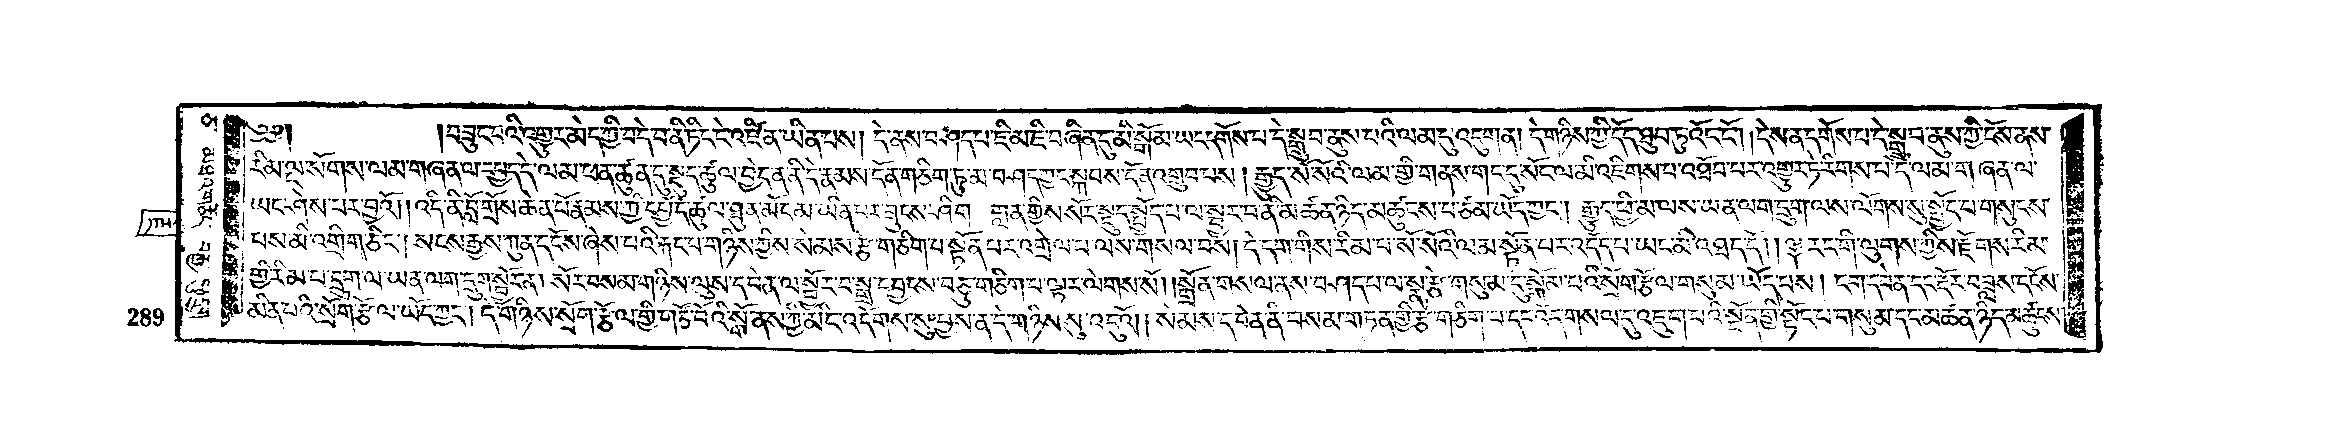༄༅། །བཟུང་བའི་འགྱུར་མེད་ཀྱི་བདེ་བ་ནི་ཏིང་ངེ་འཛིན་ཡིན་པས། དེ་ནས་བཤད་པ་ཇི་མ་ཇི་བཞིན་དུ་མི་སྒོམ་ཡང་དགོས་པ་དེ་སྒྲུབ་ནུས་པའི་ལམ་དུ་འདུག་ན། དེ་གཉིས་ཀྱི་དོད་ཐུབ་ཏུ་འོང་ངོ། །དེས་ན་དགོས་པ་དེ་སྒྲུབ་ནུས་ཀྱི་ངོས་ནས་
རིམ་ལྔ་སོགས་ལམ་གཞན་ལ་དཔྱད་དེ་ལམ་ཕན་ཚུན་དུ་སྡུད་ཚུལ་བྱེད་ན་ནི་དེ་རྣམས་དོན་གཅིག་ཏུ་མ་བཤད་ཀྱང་སྐབས་དོན་འགྲུབ་པས། རྒྱུད་སོ་སོའི་ལམ་གྱི་གནས་གང་དུ་སོང་ལ་མི་འཇིགས་པ་འཐོབ་པར་འགྱུར་ཏེ་རིགས་པ་དེ་ལམ་གཞན་ལ་
ཡང་ཤེས་པར་བྱའོ། །འདི་ནི་བློ་གྲོས་ཆེན་པོ་རྣམས་ཀྱི་དཔྱོད་ཚུལ་ཐུན་མོང་མ་ཡིན་པར་ཟུངས་ཤིག་གླན་གྱིས་སོར་སྡུད་སྤྱོད་པ་ལ་སྦྱར་བ་ནི་མཚན་ཉིད་མཚུངས་པ་ཙམ་ཡོད་ཀྱང་། རྒྱུད་ཕྱི་མ་ལས་ཡན་ལག་དྲུག་ལས་ལོགས་སུ་སྤྱོད་པ་གསུངས་
པས་མི་འགྲིག་ཅིང་། སངས་རྒྱས་ཀུན་དངོས་ཞེས་པའི་རྐང་པ་གཉིས་ཀྱིས་སེམས་རྩེ་གཅིག་པ་སྟོན་པར་འགྲེལ་པ་ལས་གསལ་བས། དེ་དག་གིས་རིམ་པ་སོ་སོའི་ལམ་སྟེན་པར་འདོད་པ་ཡང་མི་འཐད་དོ། ། ༈ རང་གི་ལུགས་ཀྱིས་རྫོགས་རིམ་
གྱི་རིམ་པ་དྲུག་ལ་ཡན་ལག་དྲུག་སྦྱོར་ན། སོར་བསམ་གཉིས་ལུས་དབེན་ལ་སྦྱོར་བ་སྒྲ་དབྱངས་བཅུ་གཅིག་པ་ལྟར་ལེགས་སོ། །སྒྲོན་གསལ་ནས་བཤད་པ་ལ་སྣ་རྩེ་གསུམ་དུ་སྒོམ་པའི་སྲོག་རྩོལ་གསུམ་ཡོད་པས། ངག་དབེན་དང་རྡོར་བཟླས་དངོས་
མིན་པའི་སྲོག་རྩོལ་ཡོད་ཀྱང་། དེ་གཉིས་སྲོག་རྩོལ་གྱི་གཙོ་བོའི་སྒོ་ནས་ཀྱི་མིང་འདོགས་སུ་བྱས་ན་དེ་གཉིས་སུ་འདུའོ། །སེམས་དབེན་ནི་བསམ་གཏན་གྱི་རྩེ་གཅིག་པ་དང་འོད་གསལ་དུ་འཇུག་པའི་སྔོན་གྱི་སྟོང་པ་གསུམ་དང་མཚན་ཉིད་མཚུངས་